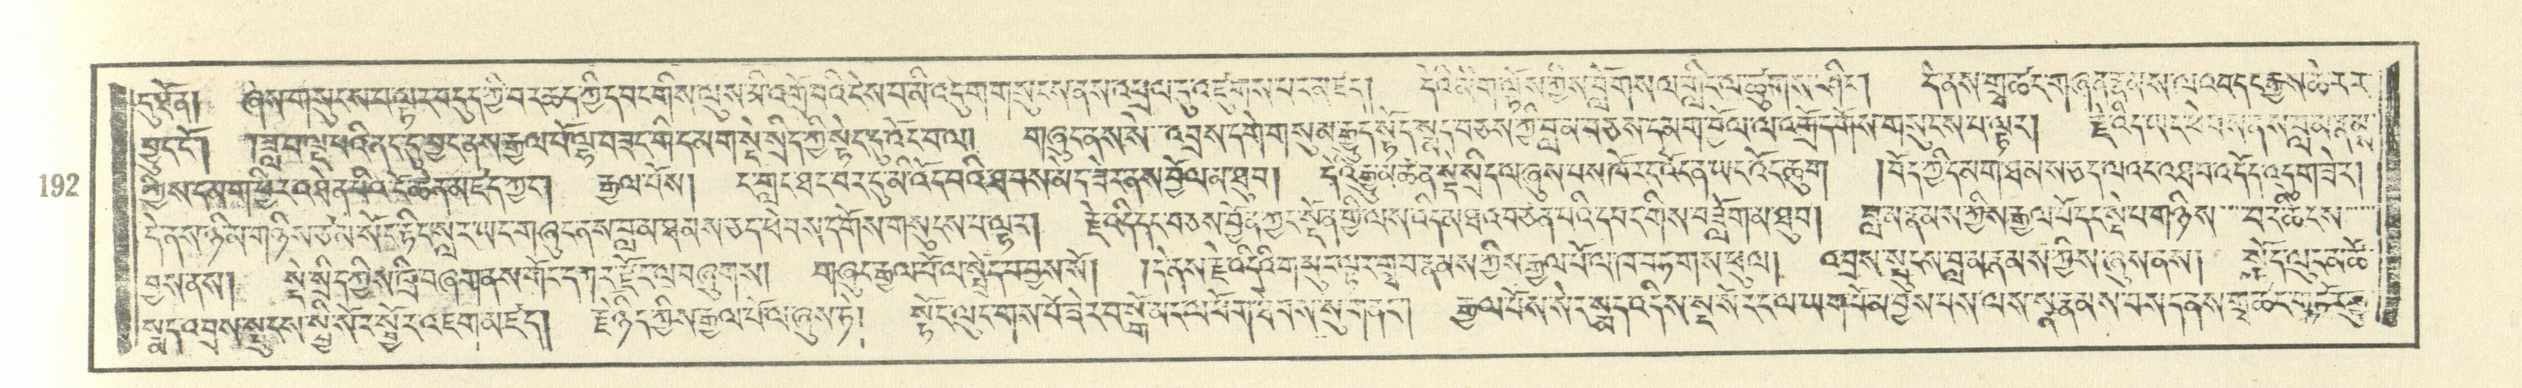དུ་ཐོན། ཞེས་གསུངས་པ་ལྟར་བདུད་ཀྱི་བར་ཆད་ཀྱི་དབང་གིས་ལུས་མི་འགྲོ་བའི་ངེས་པ་མི་འདུག་གསུངས་ནས་འཕྲལ་དུ་འཛུགས་པར་མཛད། དེའི་མིག་ལྟོས་ཀྱིས་བློ་གསལ་གླིང་ལ་ཚུགས་ཤིང་། དེ་ནས་གྲྭ་ཚང་གཞན་རྣམས་ལའང་དར་རྒྱས་ཆེ་བར་
བྱུང་ངོ། །ཟླ་བ་ལྔ་པའི་ནང་དུ་བྱང་ནས་རྒྱལ་པོ་ལྷ་བཟང་གི་དམག་སྡེ་སྲིད་ཀྱི་སྟེང་དུ་འོང་བ་ལ། གཞུང་ནས་སེ་འབྲས་དགེ་གསུམ་རྒྱུད་སྟོད་སྨད་བཅས་ཀྱི་བླ་མ་བཅས་དམག་བྱོལ་ལ་འགྲོ་དགོས་གསུངས་པ་ལྟར། རྗེ་འདི་ཡང་ཕེབས་ནས་བླ་མ་རྣམས་
ཀྱིས་དམག་ཕྱིར་འཐེན་པའི་ངོ་ཆེན་མཛད་ཀྱང་། རྒྱལ་པོས། ང་གླང་ཐང་བར་དུ་མི་འོད་བའི་ཐབས་མེད་ཟེར་ནས་བྱོལ་མ་ཐུབ། དེའི་རྒྱུ་མཚན་སྡེ་སྲིད་ལ་ཞུས་པས་ཁོ་རང་འོང་ན་ཡང་འོད་ཆུག །བོད་ཀྱི་དམག་ཐམས་ཅད་ལའང་འཐབ་འདོད་འདུག་ཟེར།
དེ་ནས་ཉི་མ་གཉིས་ཙམ་སོང་རྟིད་སླར་ཡང་གཞུང་ནས་བླ་མ་ཐམས་ཅད་ཕེབས་དགོས་གསུངས་པ་ལྷར། རྗེ་འདི་དང་བཅས་བྱོན་ཀྱང་སྔོན་གྱི་ལས་འདི་མཐའ་བཙན་པའི་དབང་གིས་བཟློག་མ་ཐུབ། བླ་མ་རྣམས་ཀྱིས་རྒྱལ་པོ་དང་སྔེ་པ་གཉིས་པར་ཆིངས་
བྱས་ནས། སྡེ་སྲིད་ཀྱིས་ཁྲི་བཞག་ནས་གོང་དཀར་རྫོང་ལ་བཞུགས། གཞུང་རྒྱལ་པོ་ལ་སྤྲོད་པ་བྱས་སོ། །དེ་ནས་རྗེ་འདིའི་གསུང་ལྟར་གྲྭ་པ་རྣམས་ཀྱིས་རྒྱལ་པོ་ལ་ཁ་བཏགས་ཕུལ། འབྲས་སྤུངས་བླ་མ་རྣམས་ཀྱིས་ཞུས་ནས། སྟོད་ལུང་མཚོ་
སྨད་འབྲས་སྤུངས་སྤྱི་སོར་སྦྱོར་འཇག་མཛད། རྗེ་ཉིད་ཀྱིས་རྒྱལ་པོ་ལ་ཞུས་ཏེ། སྟོང་ལུང་གས་པོ་ཟེར་བ་སྒོ་མང་ལ་ཕོག་ཐེབས་སུ་གནང་། རྒྱལ་པོས་སེར་སྨད་འདིས་སྔ་སོ་རང་ལ་ཡག་པོ་མ་བྱས་པས་ལས་སྣ་རྣམས་བསད་ནས་གྲྭ་ཚང་གཏོར་རྒྱུ་